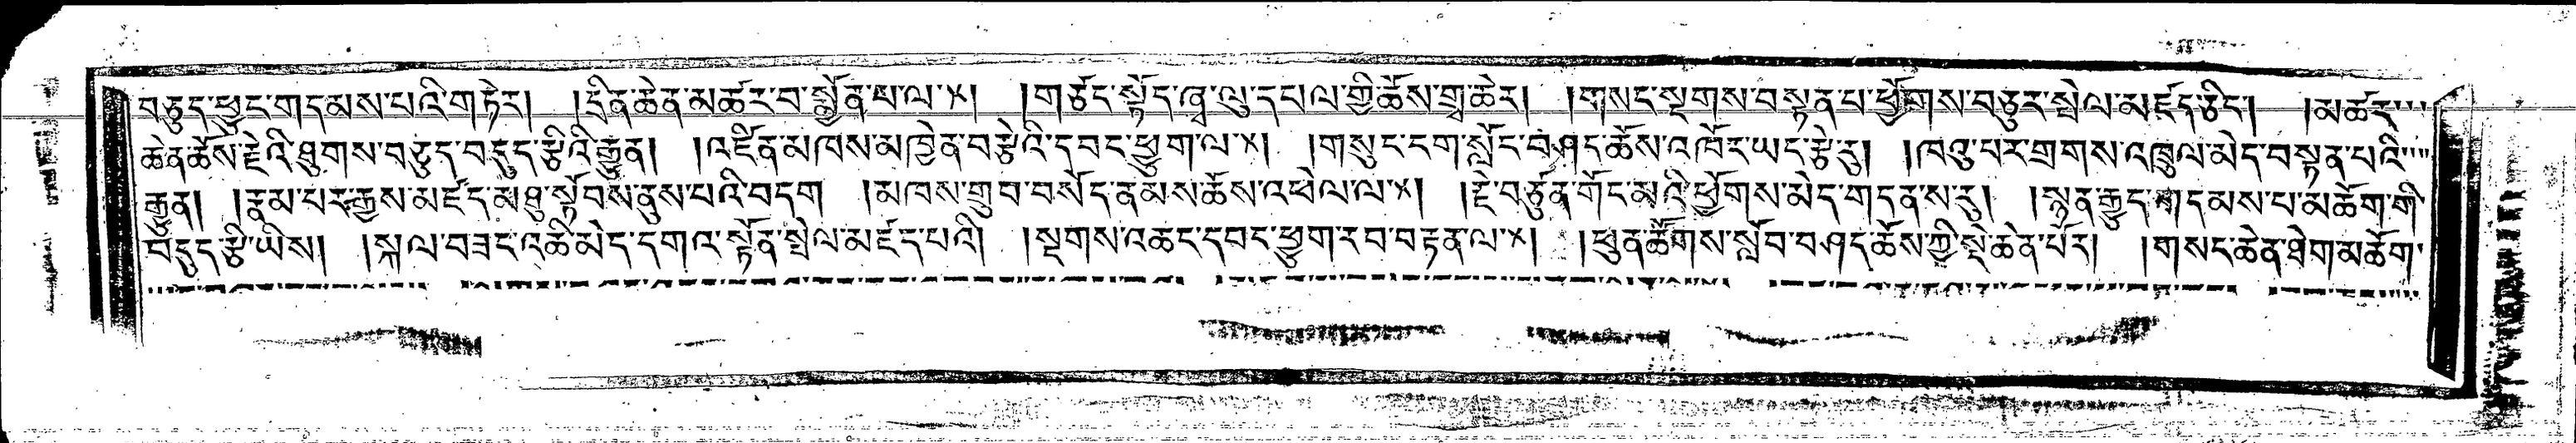་བཅུད་ཕྱུང་གདམས་པའི་གཏེར། །དྲིན་ཆེན་མཚར་བ་སྨྱོན་པ་ལ་{྾}། །གཙང་སྟོད་ཞྭ་ལུ་དཔལ་གྱི་ཆོས་གྲྭ་ཆེར། །གསང་སྔགས་བསྟན་པ་ཕྱོགས་བཅུར་སྤེལ་མཛད་ཅིང་། །མཚར་
ཆེན་ཆོས་རྗེའི་ཐུགས་བཅུད་བདུད་རྩིའི་རྒྱུན། །འཛིན་མཁས་མཁྱེན་བརྩེའི་དབང་ཕྱུག་ལ་{྾}། །གསུང་ངག་སློང་བཤད་ཆོས་འཁོར་ཡང་རྩེ་རུ། །ཁའུ་པར་གྲགས་འཁྲུལ་མེད་བསྟན་པའི་
རྒྱུན། །རྣམ་པར་རྒྱས་མཛད་མཐུ་སྟོབས་ནུས་པའི་བདག །མཁས་གྲུབ་བསོད་ནམས་ཆོས་འཕེལ་ལ་{྾}། །རྗེ་བཙུན་གོང་མའི་ཕྱོགས་མེད་གདན་ས་རུ། །སྙན་རྒྱུད་གདམས་པ་མཆོག་གི་
བདུད་རྩི་ཡིས། །སྐལ་བཟང་འཆི་མེད་དགའ་སྟོན་སྤེལ་མཛད་པའི། །སྔགས་འཆང་དབང་ཕྱུག་རབ་བརྟན་ལ་{྾}། །ཕུན་ཚོགས་སློབ་བཤད་ཆོས་ཀྱི་སྡེ་ཆེན་པོར། །གསང་ཆེན་ཐེག་མཆོ་